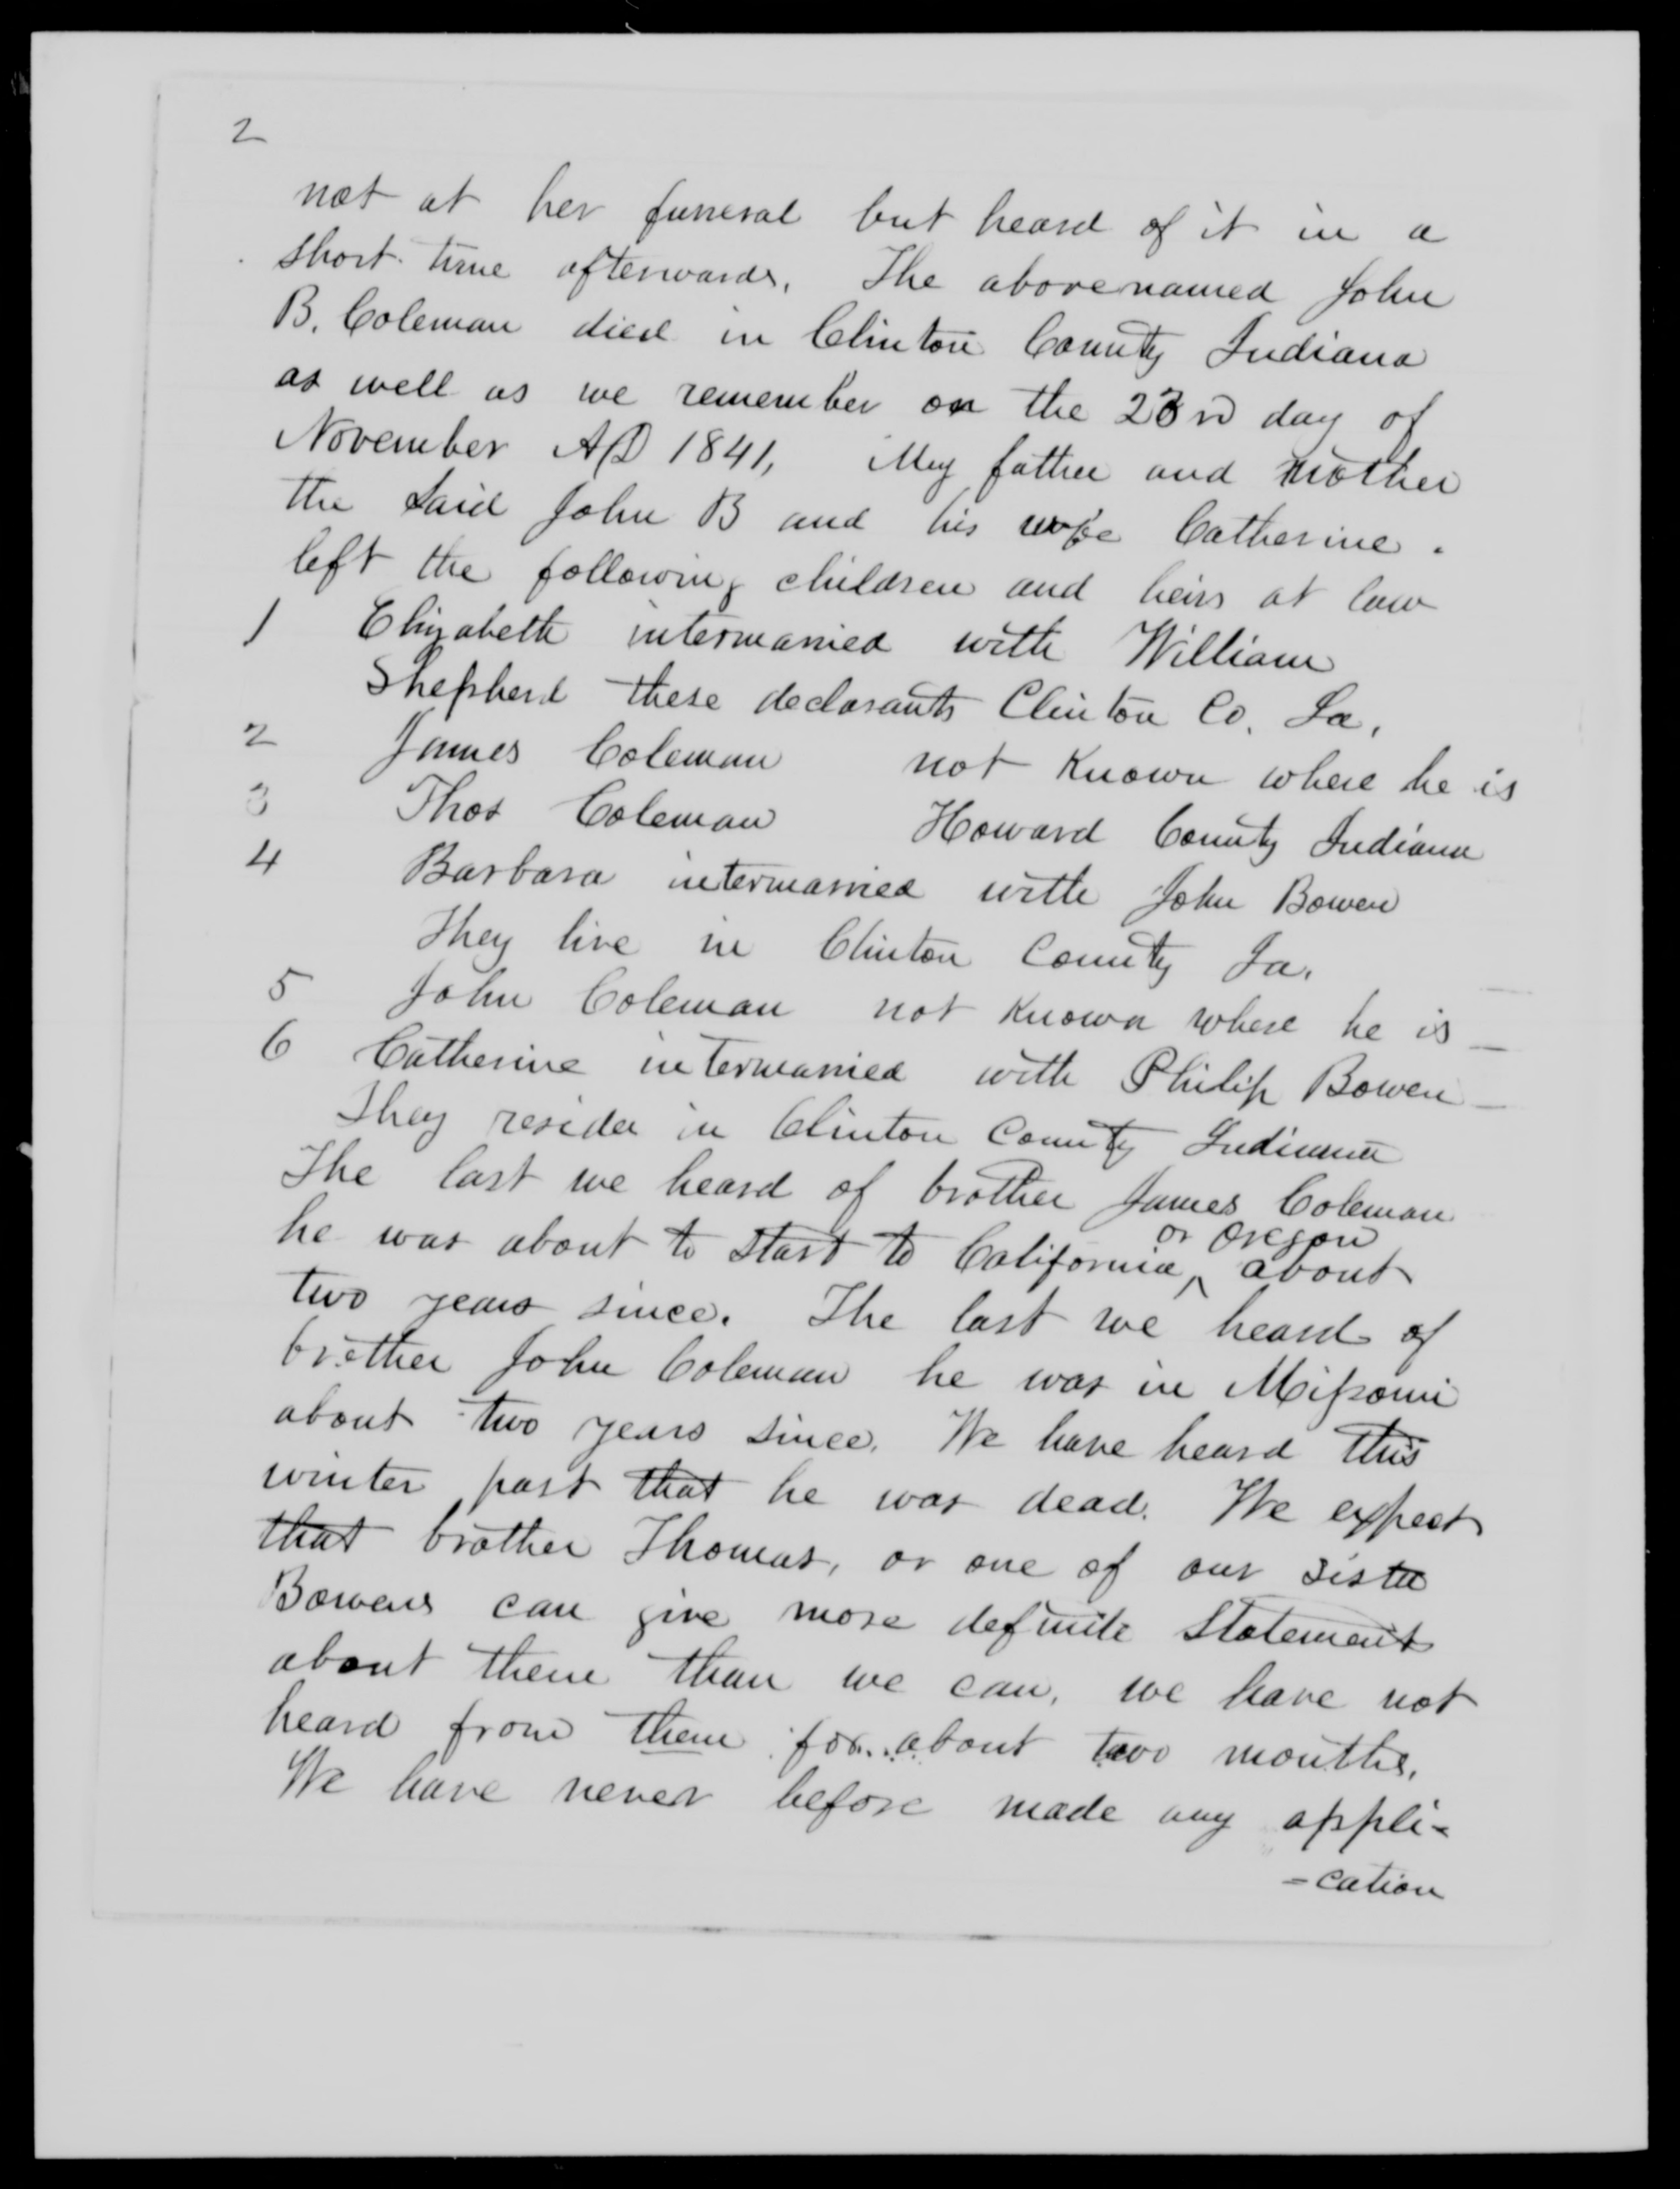2
not at her funeral but heard of it in a
short time afterwards. The above named John
B. Coleman died in Clinton County Indiana
as well as we remember on the 23rd day of
November AD 1841, My father and mother
the said John B and his wife Catherine
left the following children and heirs at law.
1 Elizabeth intermarried with William
Shepherd these declarants Clinton Co. Pa.
2 James Coleman - not known where he is
3 Thos Coleman - Howard County Indiana
4 Barbara intermarried with John Bowen
They live in Clinton County Ia.
5 John Coleman - not known where he is
6 Catherine intermarried with Philip Bowen
They resided in Clinton County Indiana

The last we heard of brother James Coleman
he was about to start to California or Oregon
about two years since. The last we heard of
brother John Coleman, he was in Missouri
about two years since. We have heard this
winter past that he was dead. We expect
that brother Thomas, or one of our sister
Bowens can give more definite statements
about them than we can, we have not
heard from them for about two months.
We have never before made any application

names: Philip Bowen, Thos Coleman, John Coleman, John Bowen, John B Coleman, Catherine, William Shepherd, James Coleman, Barbara, Elizabeth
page: 82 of 123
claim: rejected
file: R. 11,949, Matthias Young, Md.